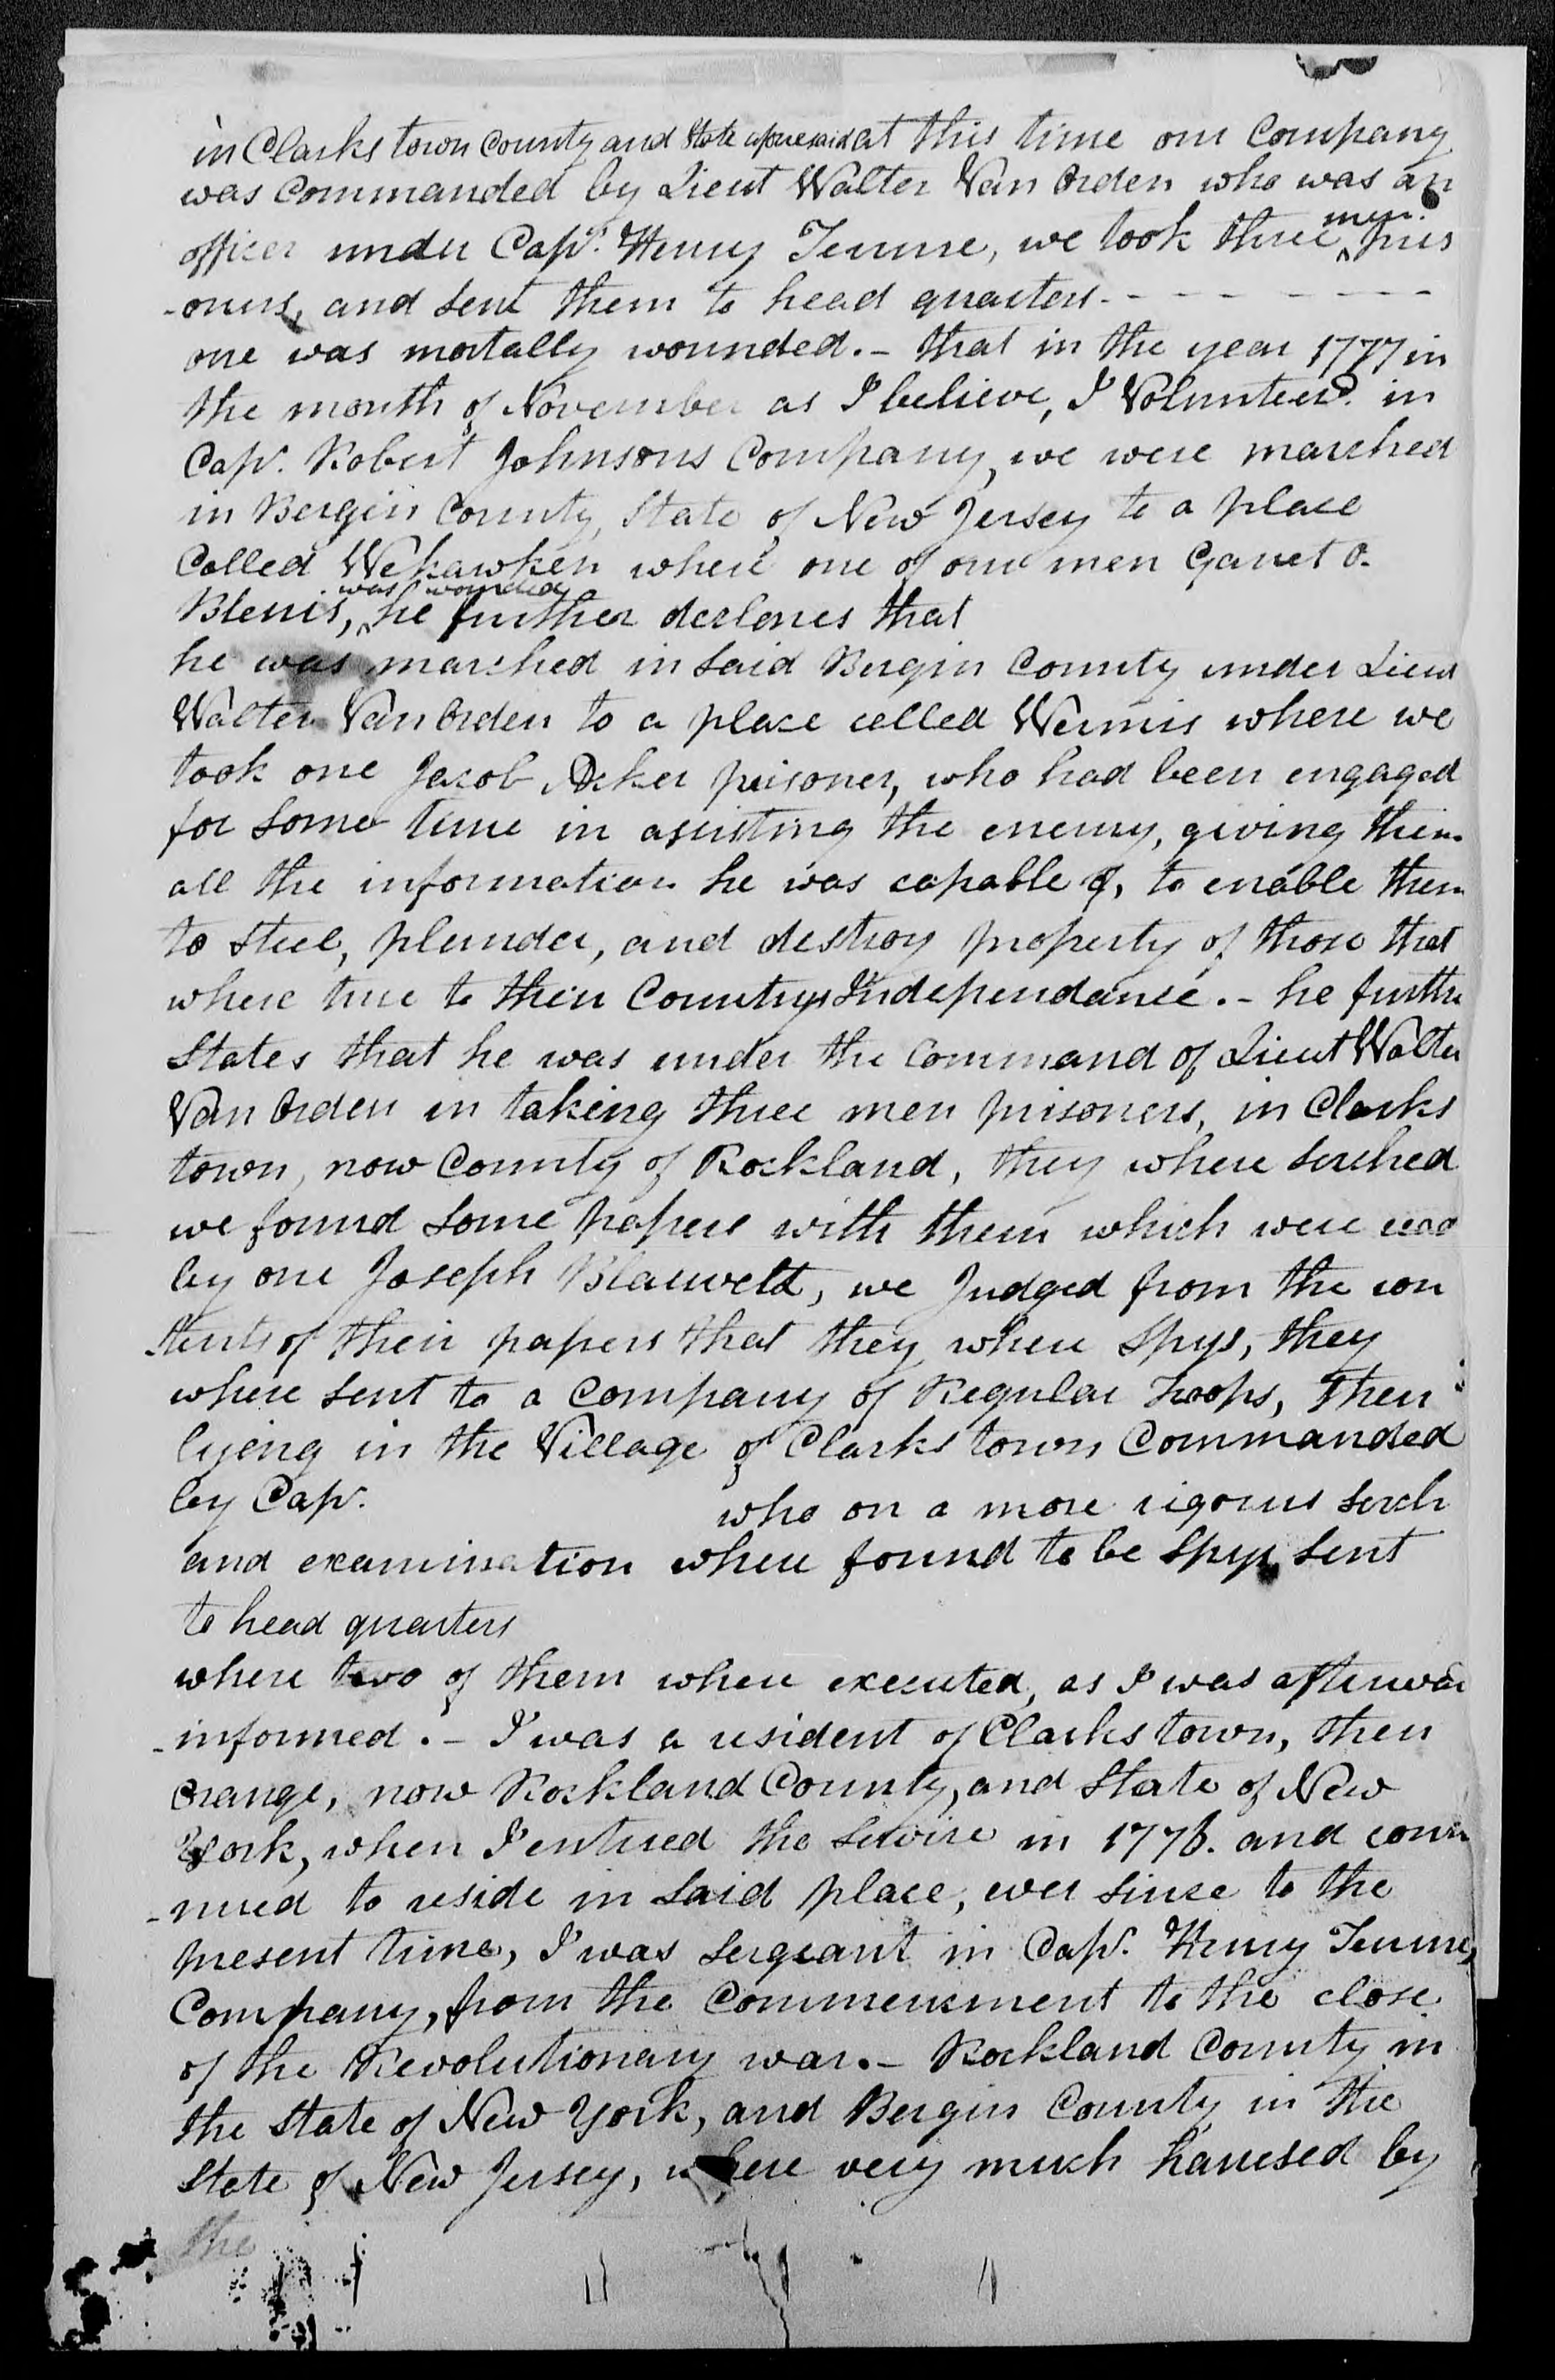in Clarkstown County and State aforementioned at this time our Company was commanded by Lieut Walter Van Orden who was an officer under Capn Henry Tenure , we took three [illegible] prisoners and sent them to head quarters----one was mortally wounded. That in the year 1777 in the month of November as I believe, I Volunteered in Cap. Robert Johnsons Company, we were marched to Bergin County, State of New Jersey to a place called Wehawken where one of our men, Garret O. Blenis [Oblenis] was wounded he further declares that he was marched in said Bergin County under Lieut Walter Van Orden to a place called Wermis (Wierimus)where we took one Jacob Acker prisoner, who had been engaged for some time in assisting the enemy, giving them all the information he was capable of, to enable them to steel, plunder, and destroy property of those that where true to their Countrys Independence. he further states that he was under the command of Lieut Walter Van Orden in taking three men prisoners, in Clarkstown, now County of Rockland, they where searched we found some papers with them which were read by one Joseph Blauvelt, we judged from the contents of their papers that they where spys, they where sent to a company of Regular Troops, Their lying in the Village of Clarkstown Commanded by Cap. [blank] who on a more vigorous search and examination where found to be spys sent to head quarters where two of them were executed, as I was afterward informed. I was a resident of Clarkstown, then Orange, now Rockland County, and State of New York, when I entered the service in 1776. and continued to reside in said place, ever since to the present time, I was Sergeant in Capt. Henry Tenures Company, from the commencement to the close of the Revolutionary war. Rockland County in the State of New York, and Bergin County in the State of New Jersey, where very much harassed by the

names: Walter Van Orden, Garret Oblenis, Walter Van Orden, Jacob Acker, Walter Van Orden, Henry Tenure, Henry Tenure, Joseph Blauvelt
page: 4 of 33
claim: survivor's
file: S. 22,653, Harmanus Blauvelt, New York